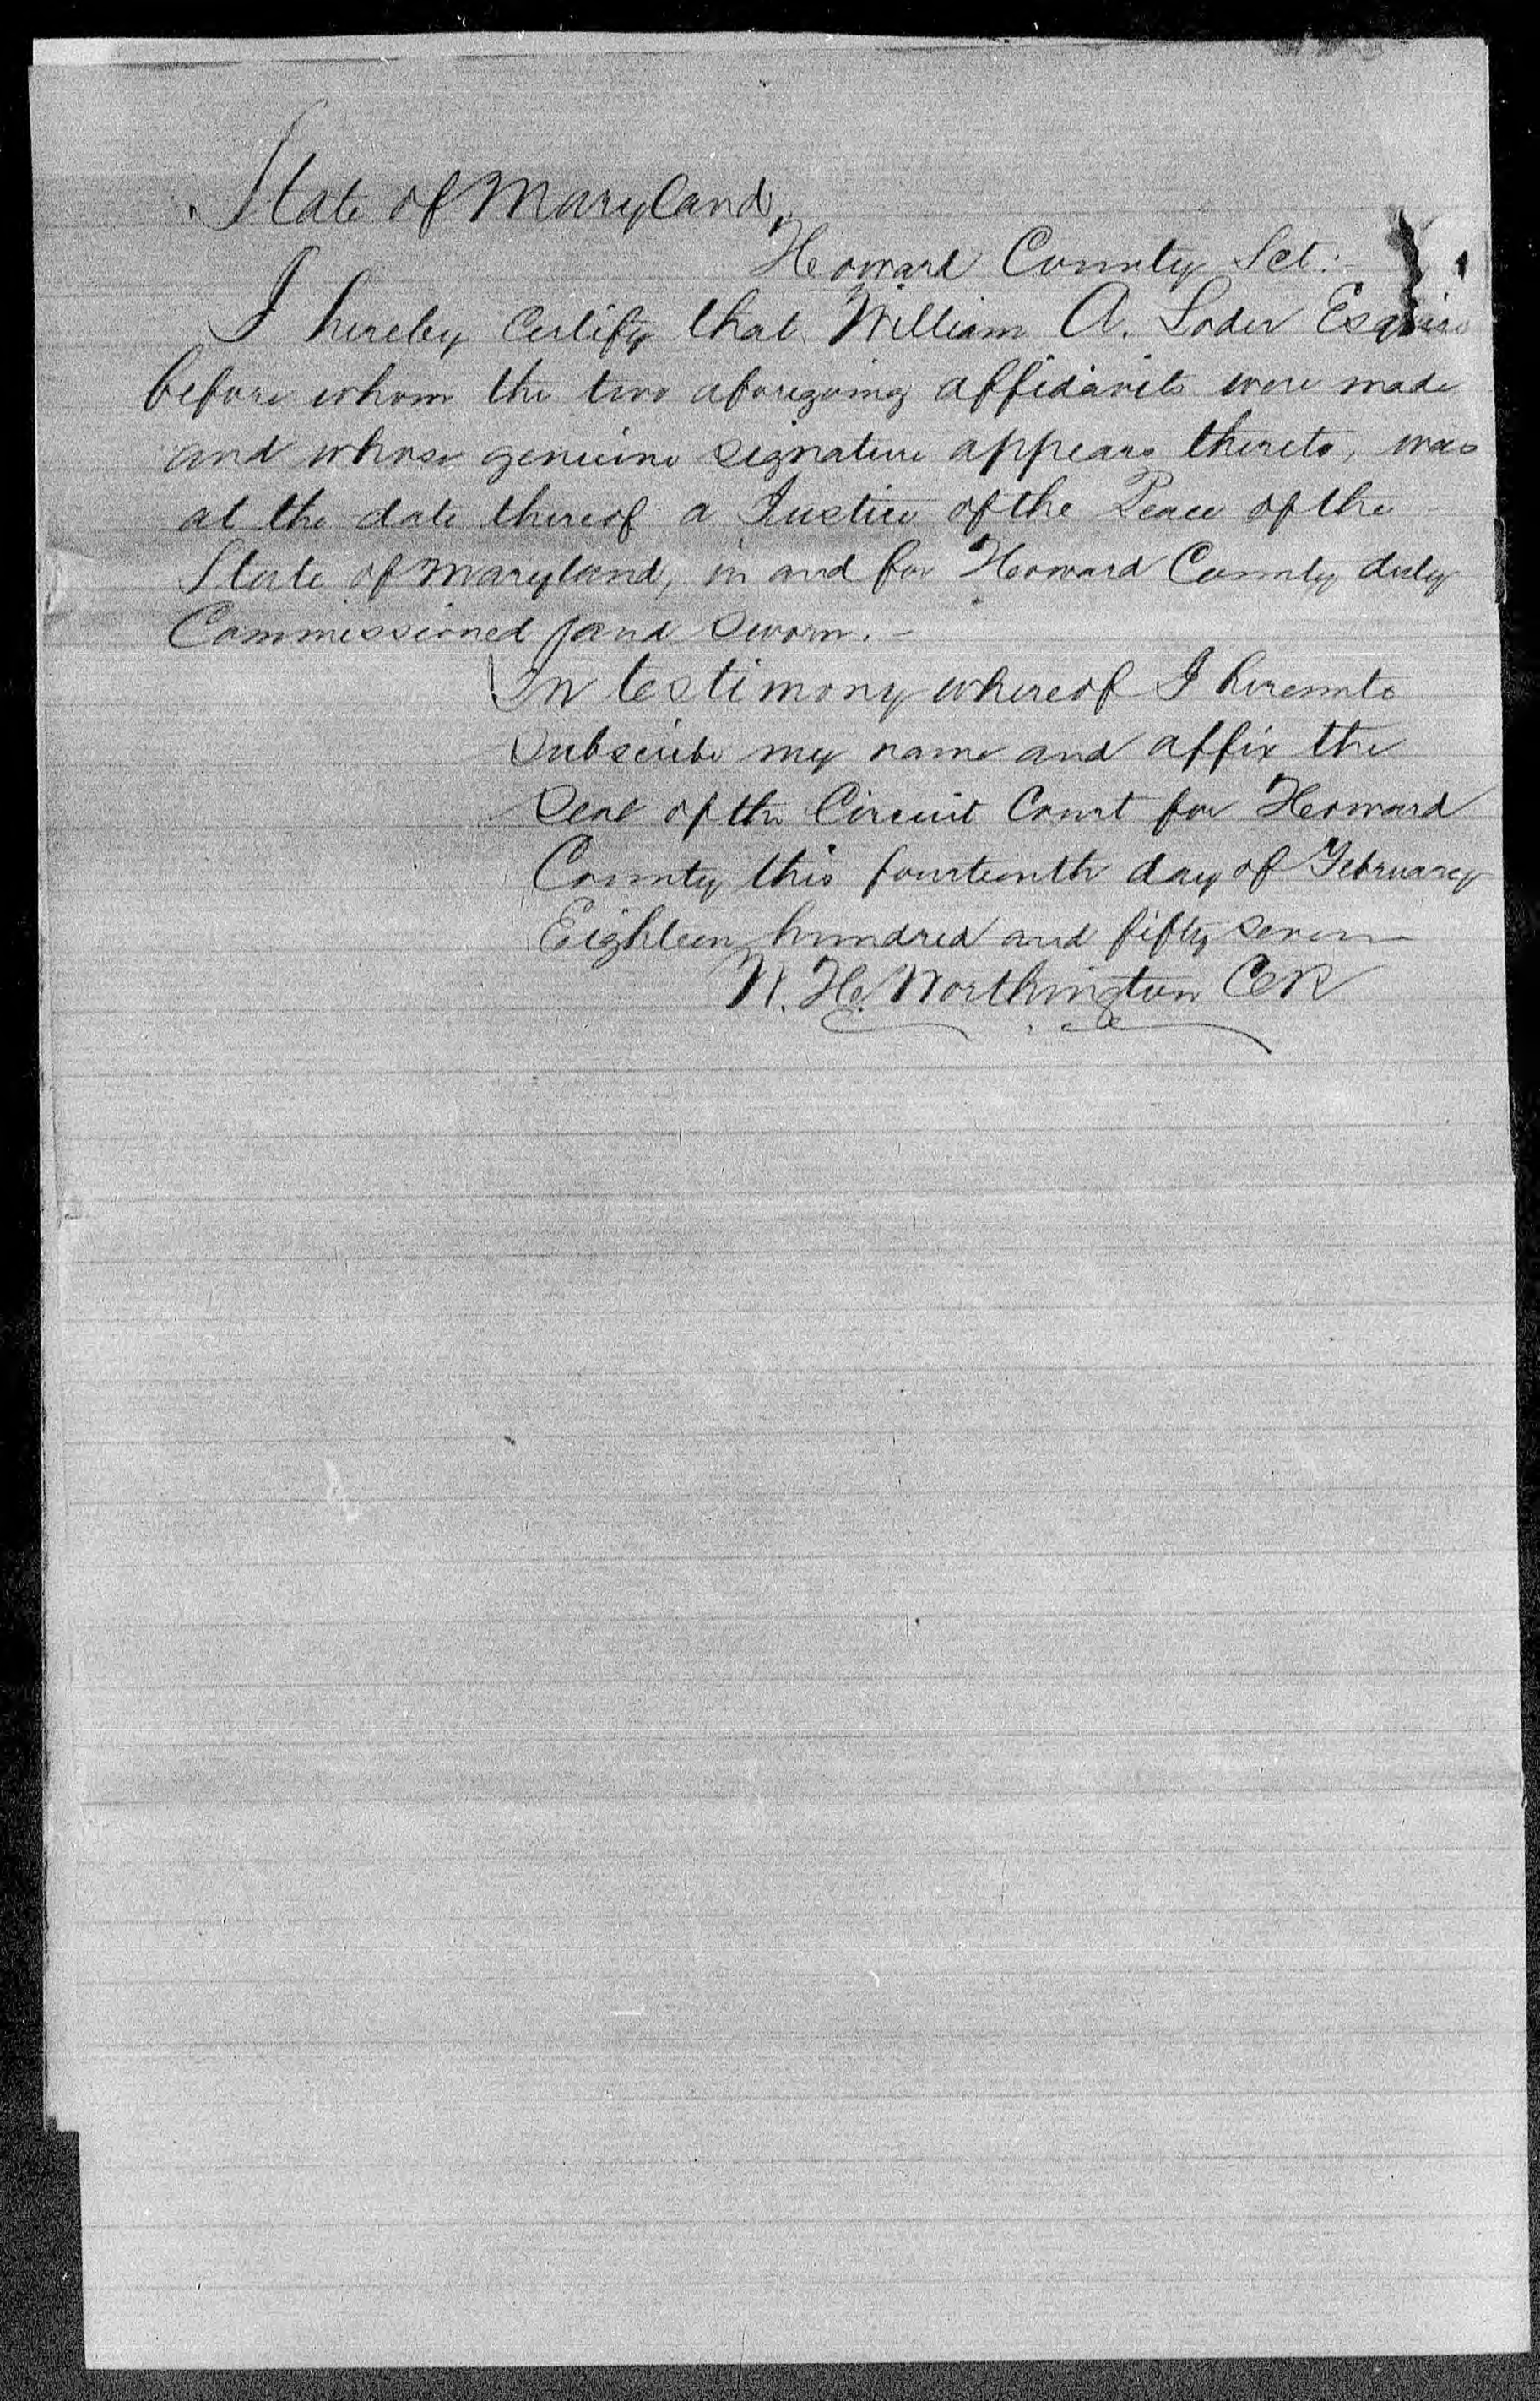State of Maryland,
Howard County Sct:
I hereby certify that William A. Loder Esquire before whom the two aforegoing affidavits were made and whose genuine signature appears thereto, was at the date thereof a Justice of the Peace of the State of Maryland, in and for Howard County duly Commissioned and sworn.
In testimony whereof I hereunto subscribe my name and affix the seal of the Circuit court for Howard County this fourteenth day of February Eighteen hundred and fifty-seven
[signed] W. H. Worthington Clk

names: William A Loder, W H Worthington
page: 15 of 59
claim: widow's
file: W. 9383, Nathaniel Chew, Navy (Md.)